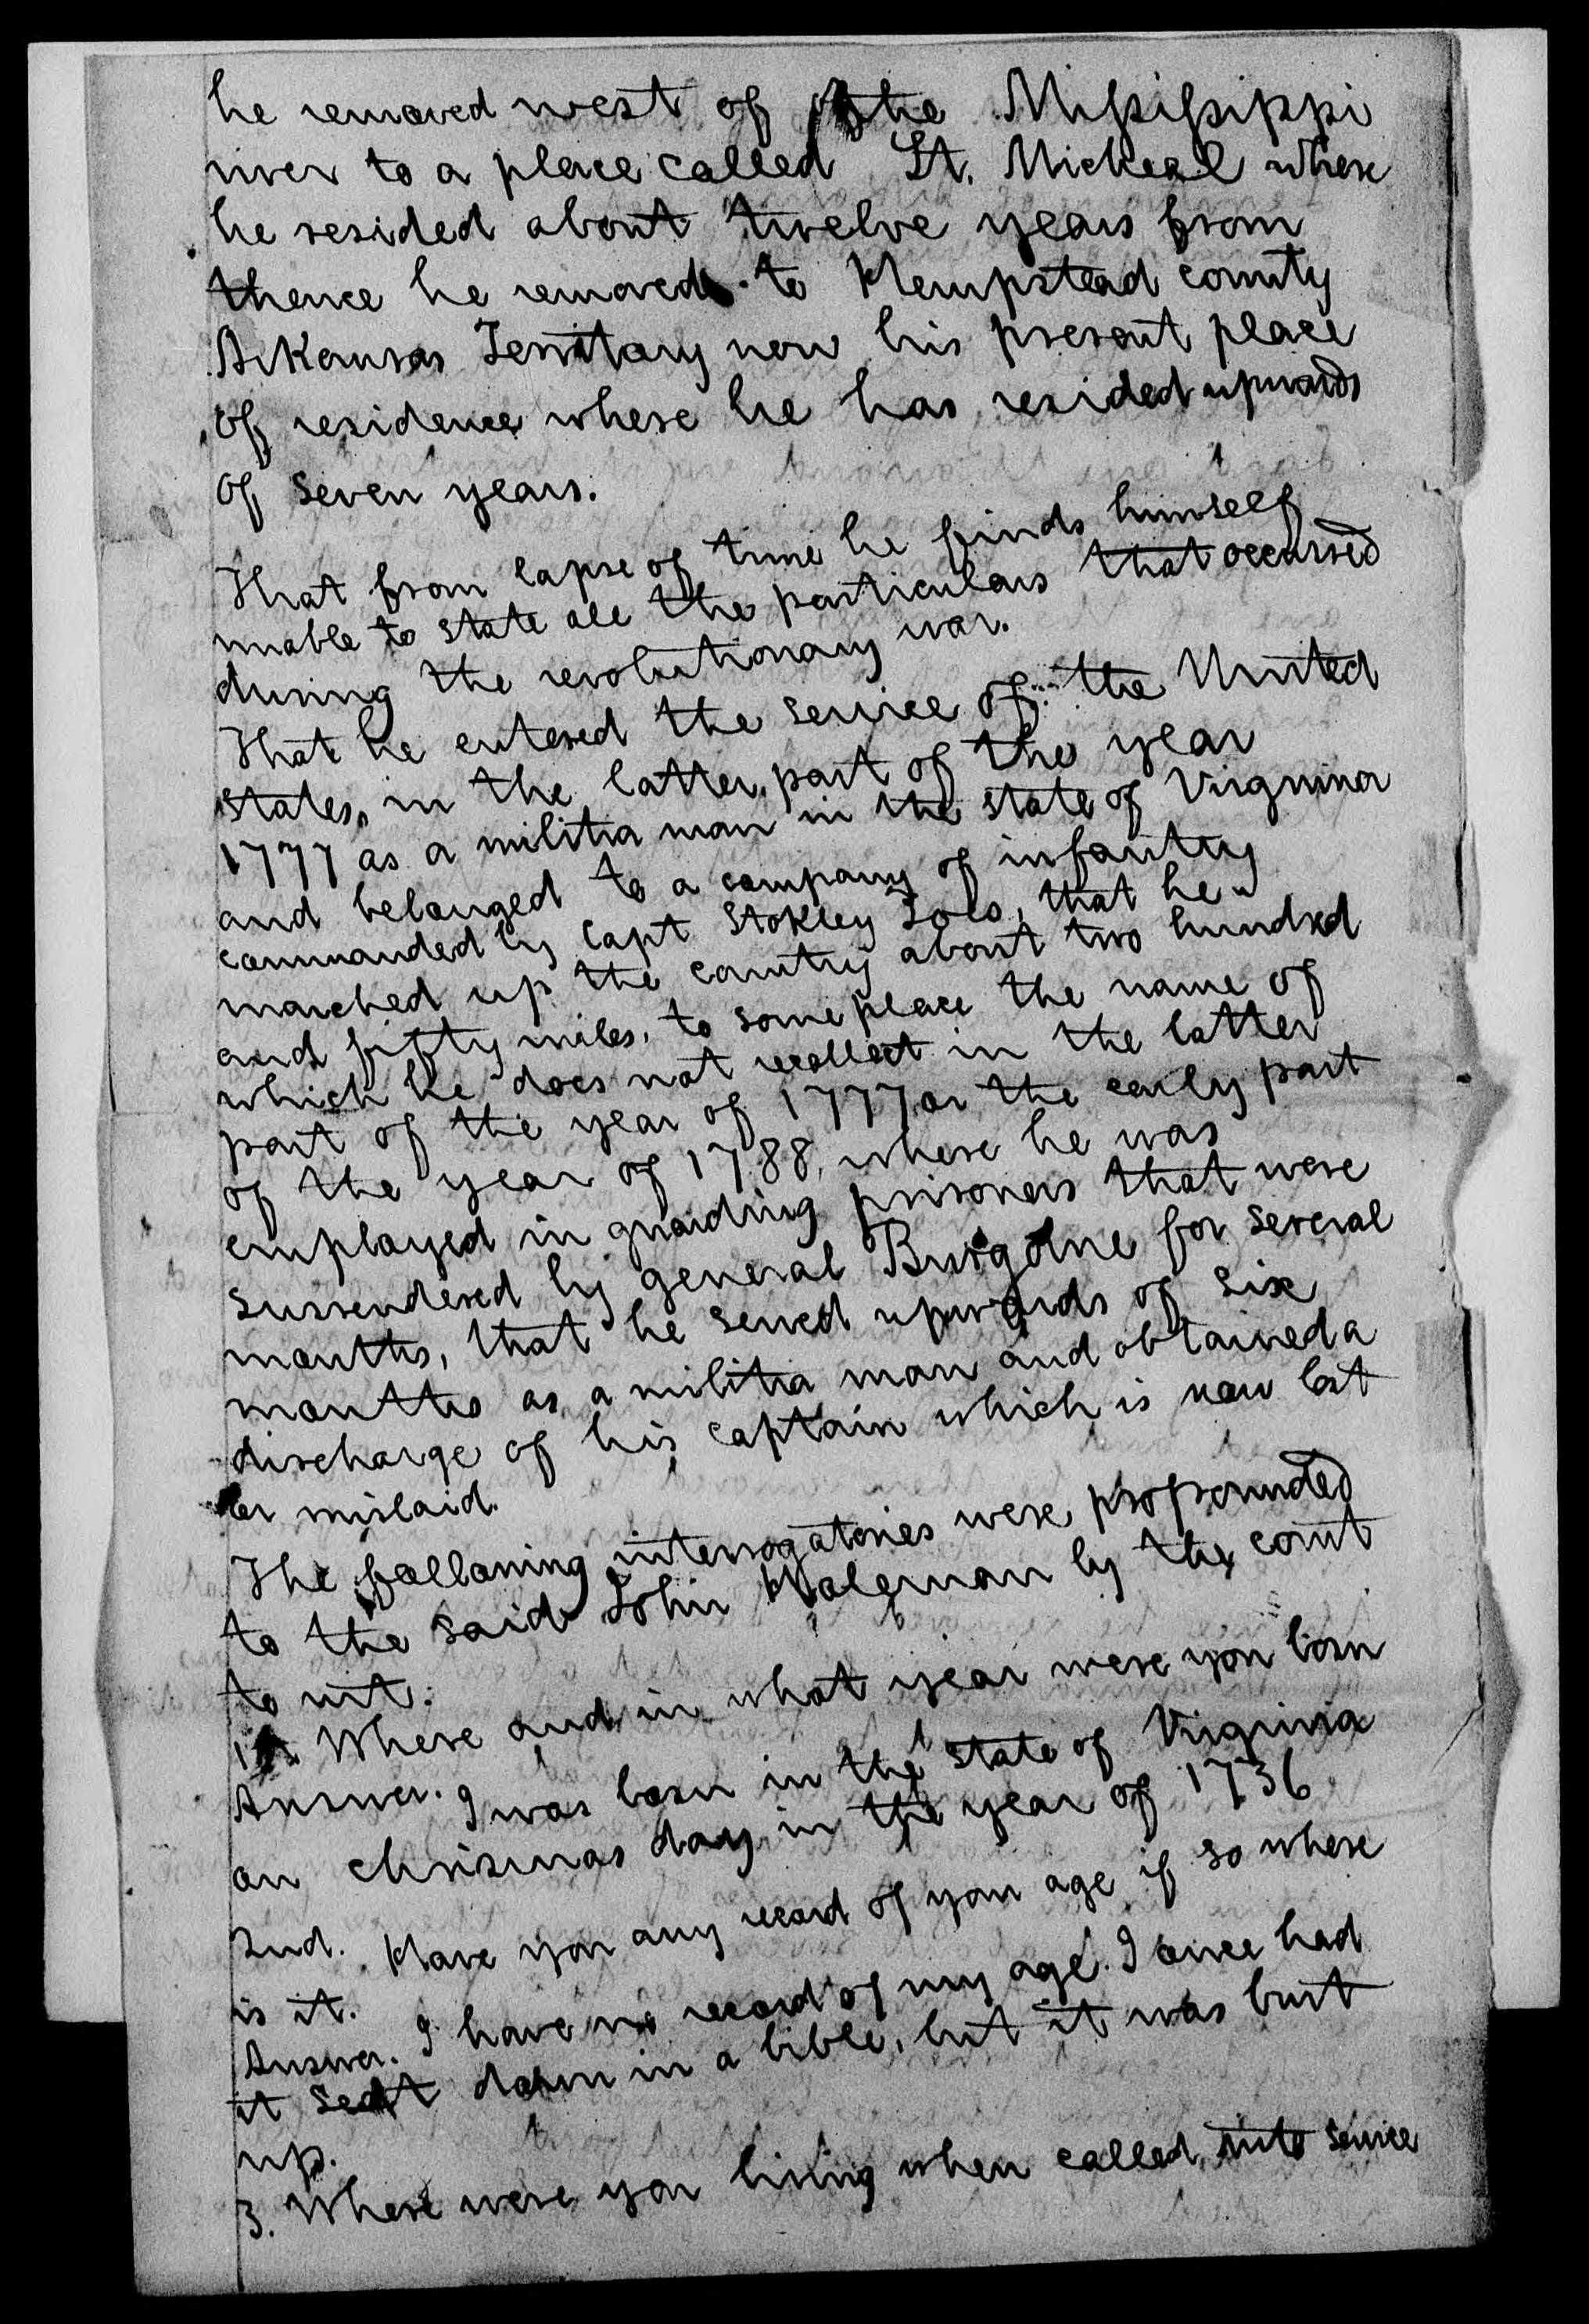he removed west of the Mississippi over to a place called St. Michael where he resided about twelve years from thence he removed to Hempstead county Arkansas Territory now his [illegible] place of residence where he has resided upwards of seven years.

That from lapse of time he finds himself unable to state all the particulars that occurred during the revolutionary war.

That he entered the service of the United States in the latter part of the year 1777 as a militia man in the state of Virginia and belonged to a company of infantry commanded by Capt. Stokley [illegible]. That he marched up the country about two hundred and fifty miles to some place the name of which he does not recollect in the latter part of the year of 1777 or the early part of the year of 1788, where he was employed in guarding prisoners that were surrendered by general Burgoine for several months. That he served upwards of five months as a militia man and obtained a discharge of his captain which is now lost or mislaid.

The following interrogations were propounded to the said John Haleman by the court to wit:

1st Where and in what year where you born
Answer. I was born in the state of Virginia on Christmas day in the year of 1736.

2nd Have you any record of your age if so where is it
Answer. I have no record of my age. I once had it set down in a bible, but it was burnt up.

3rd. Where were you living when called into service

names: Burgoyne, John Haleman, Stokley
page: 5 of 30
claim: survivor's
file: S. 31753, John Holman, Va.